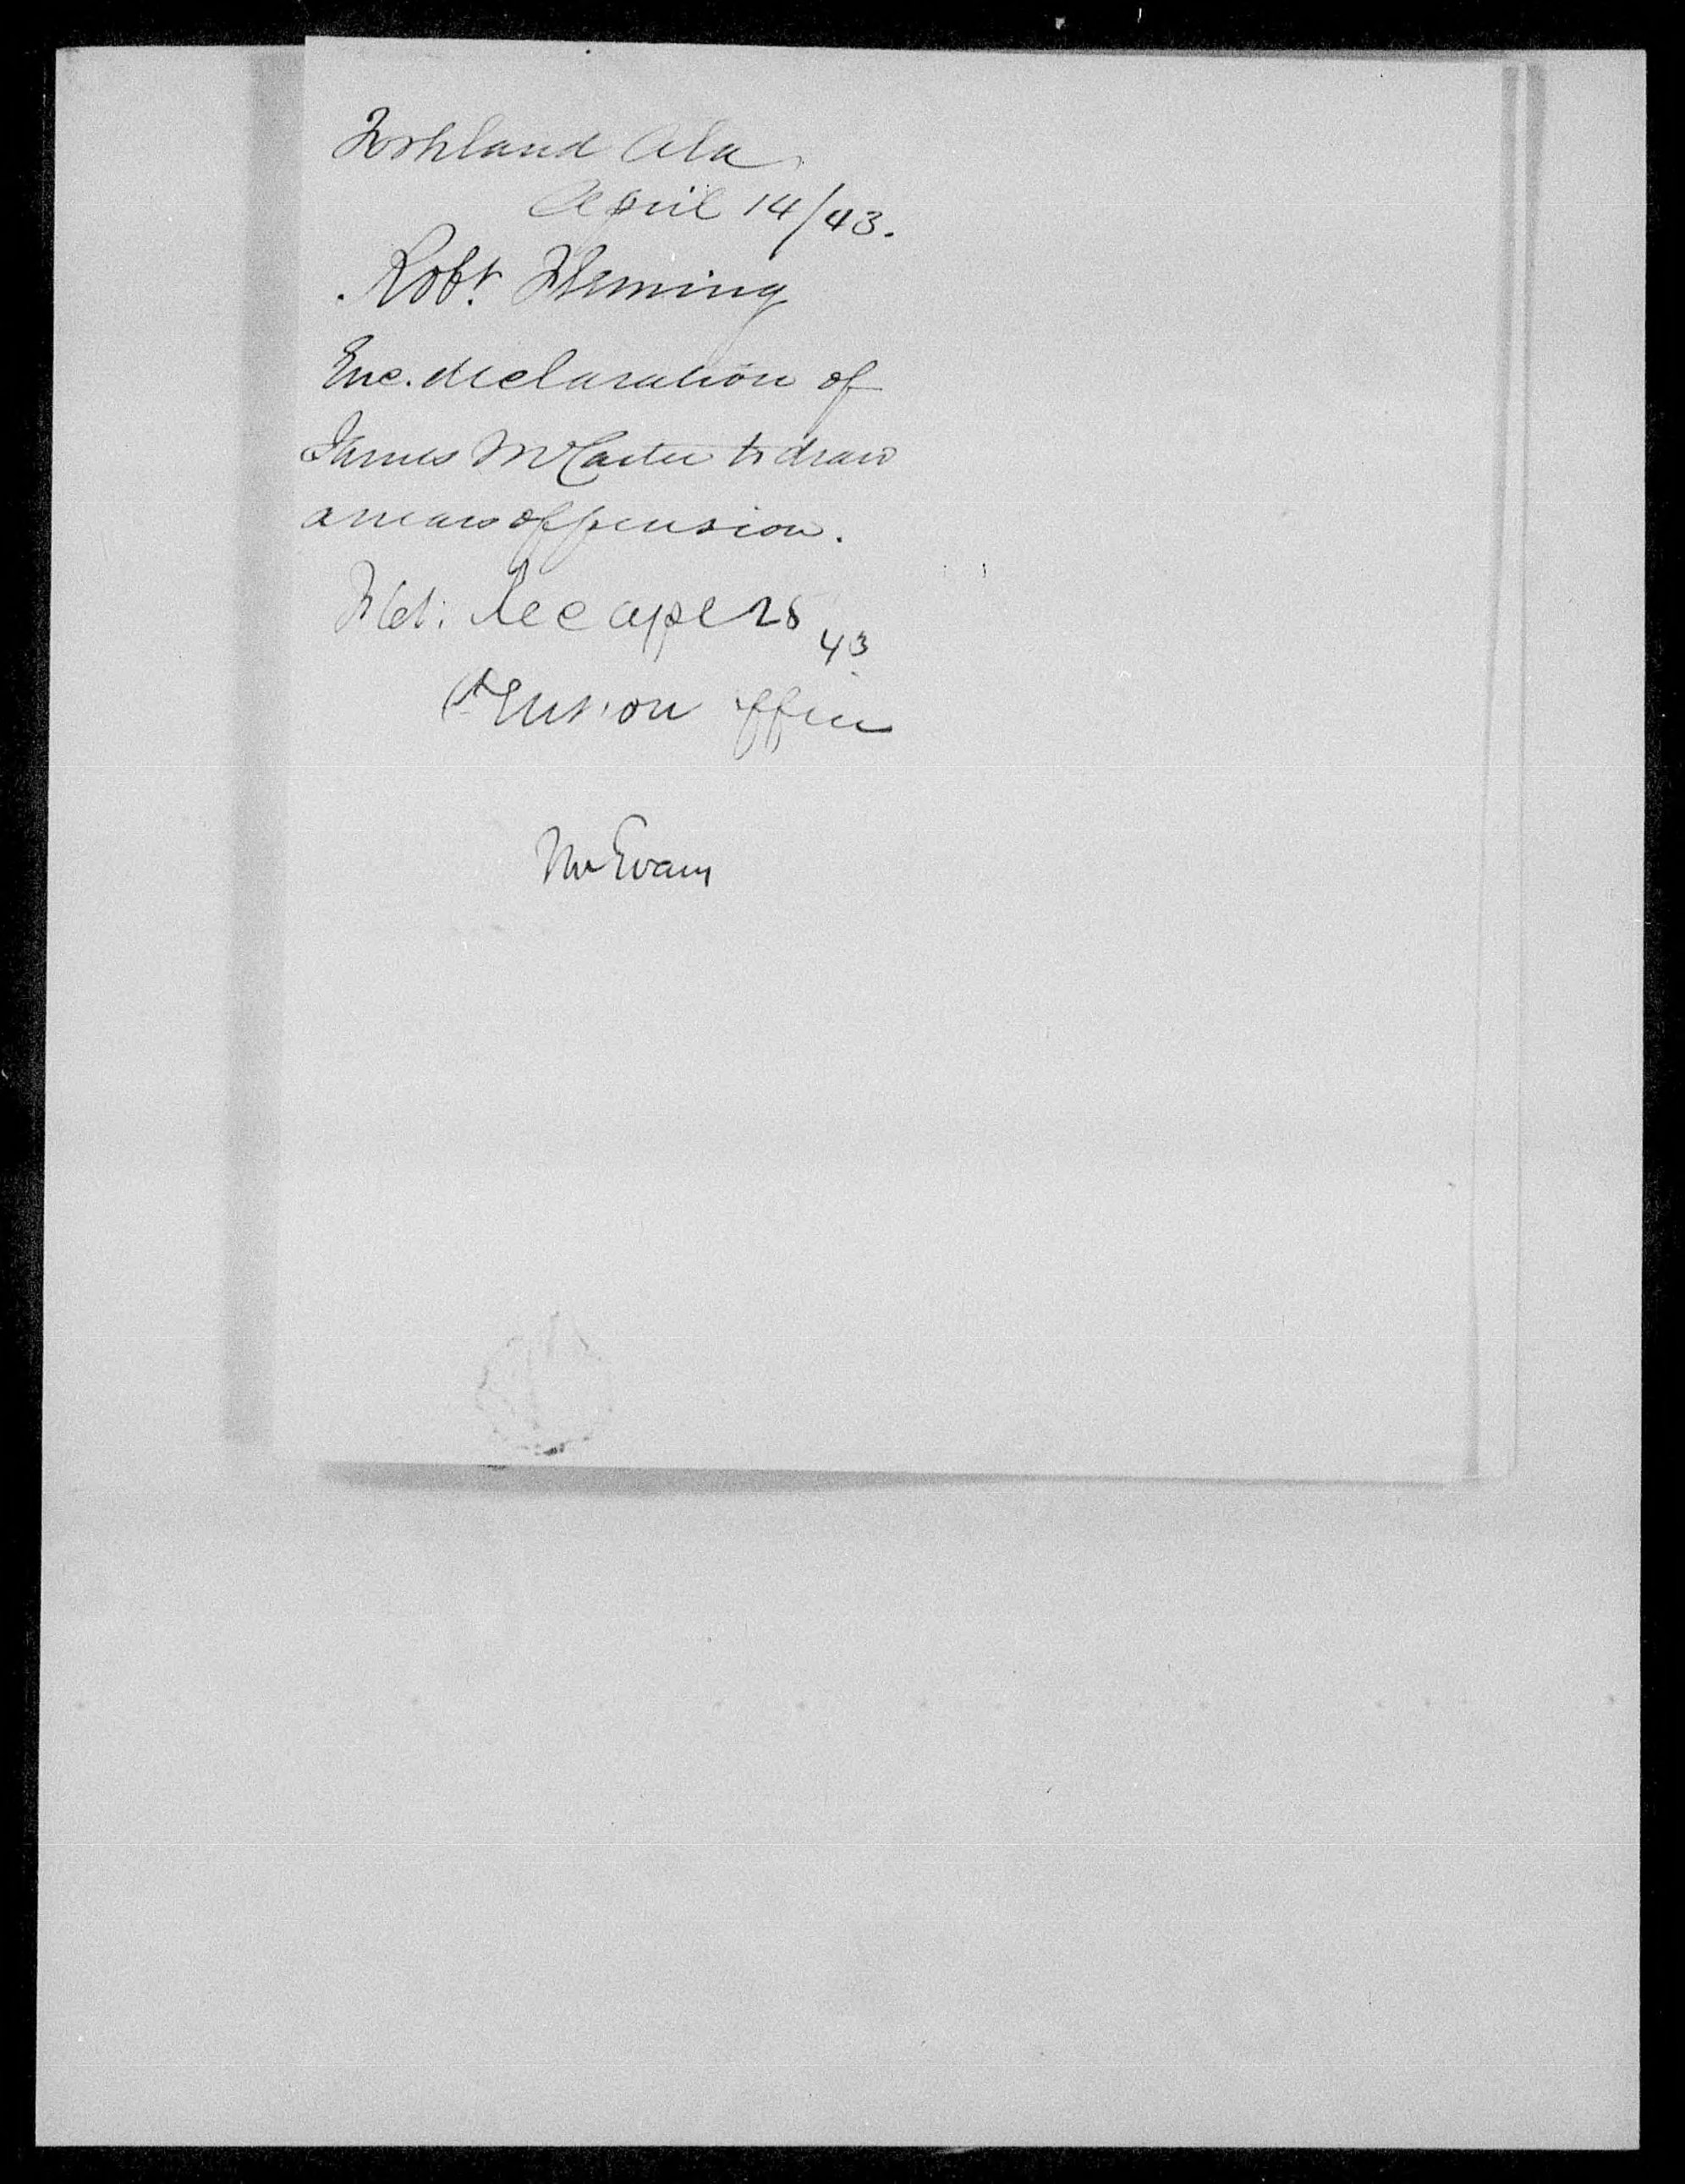Forkland,  Ala
April 14 /43.
Robert Fleming Enc. declaration of James McCarter to draw arrears of pension
[illegible] lee appers 43
Pension office
Mr Evan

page: 25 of 45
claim: survivor's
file: S. 13,890, for James Mc Carter, South Carolina